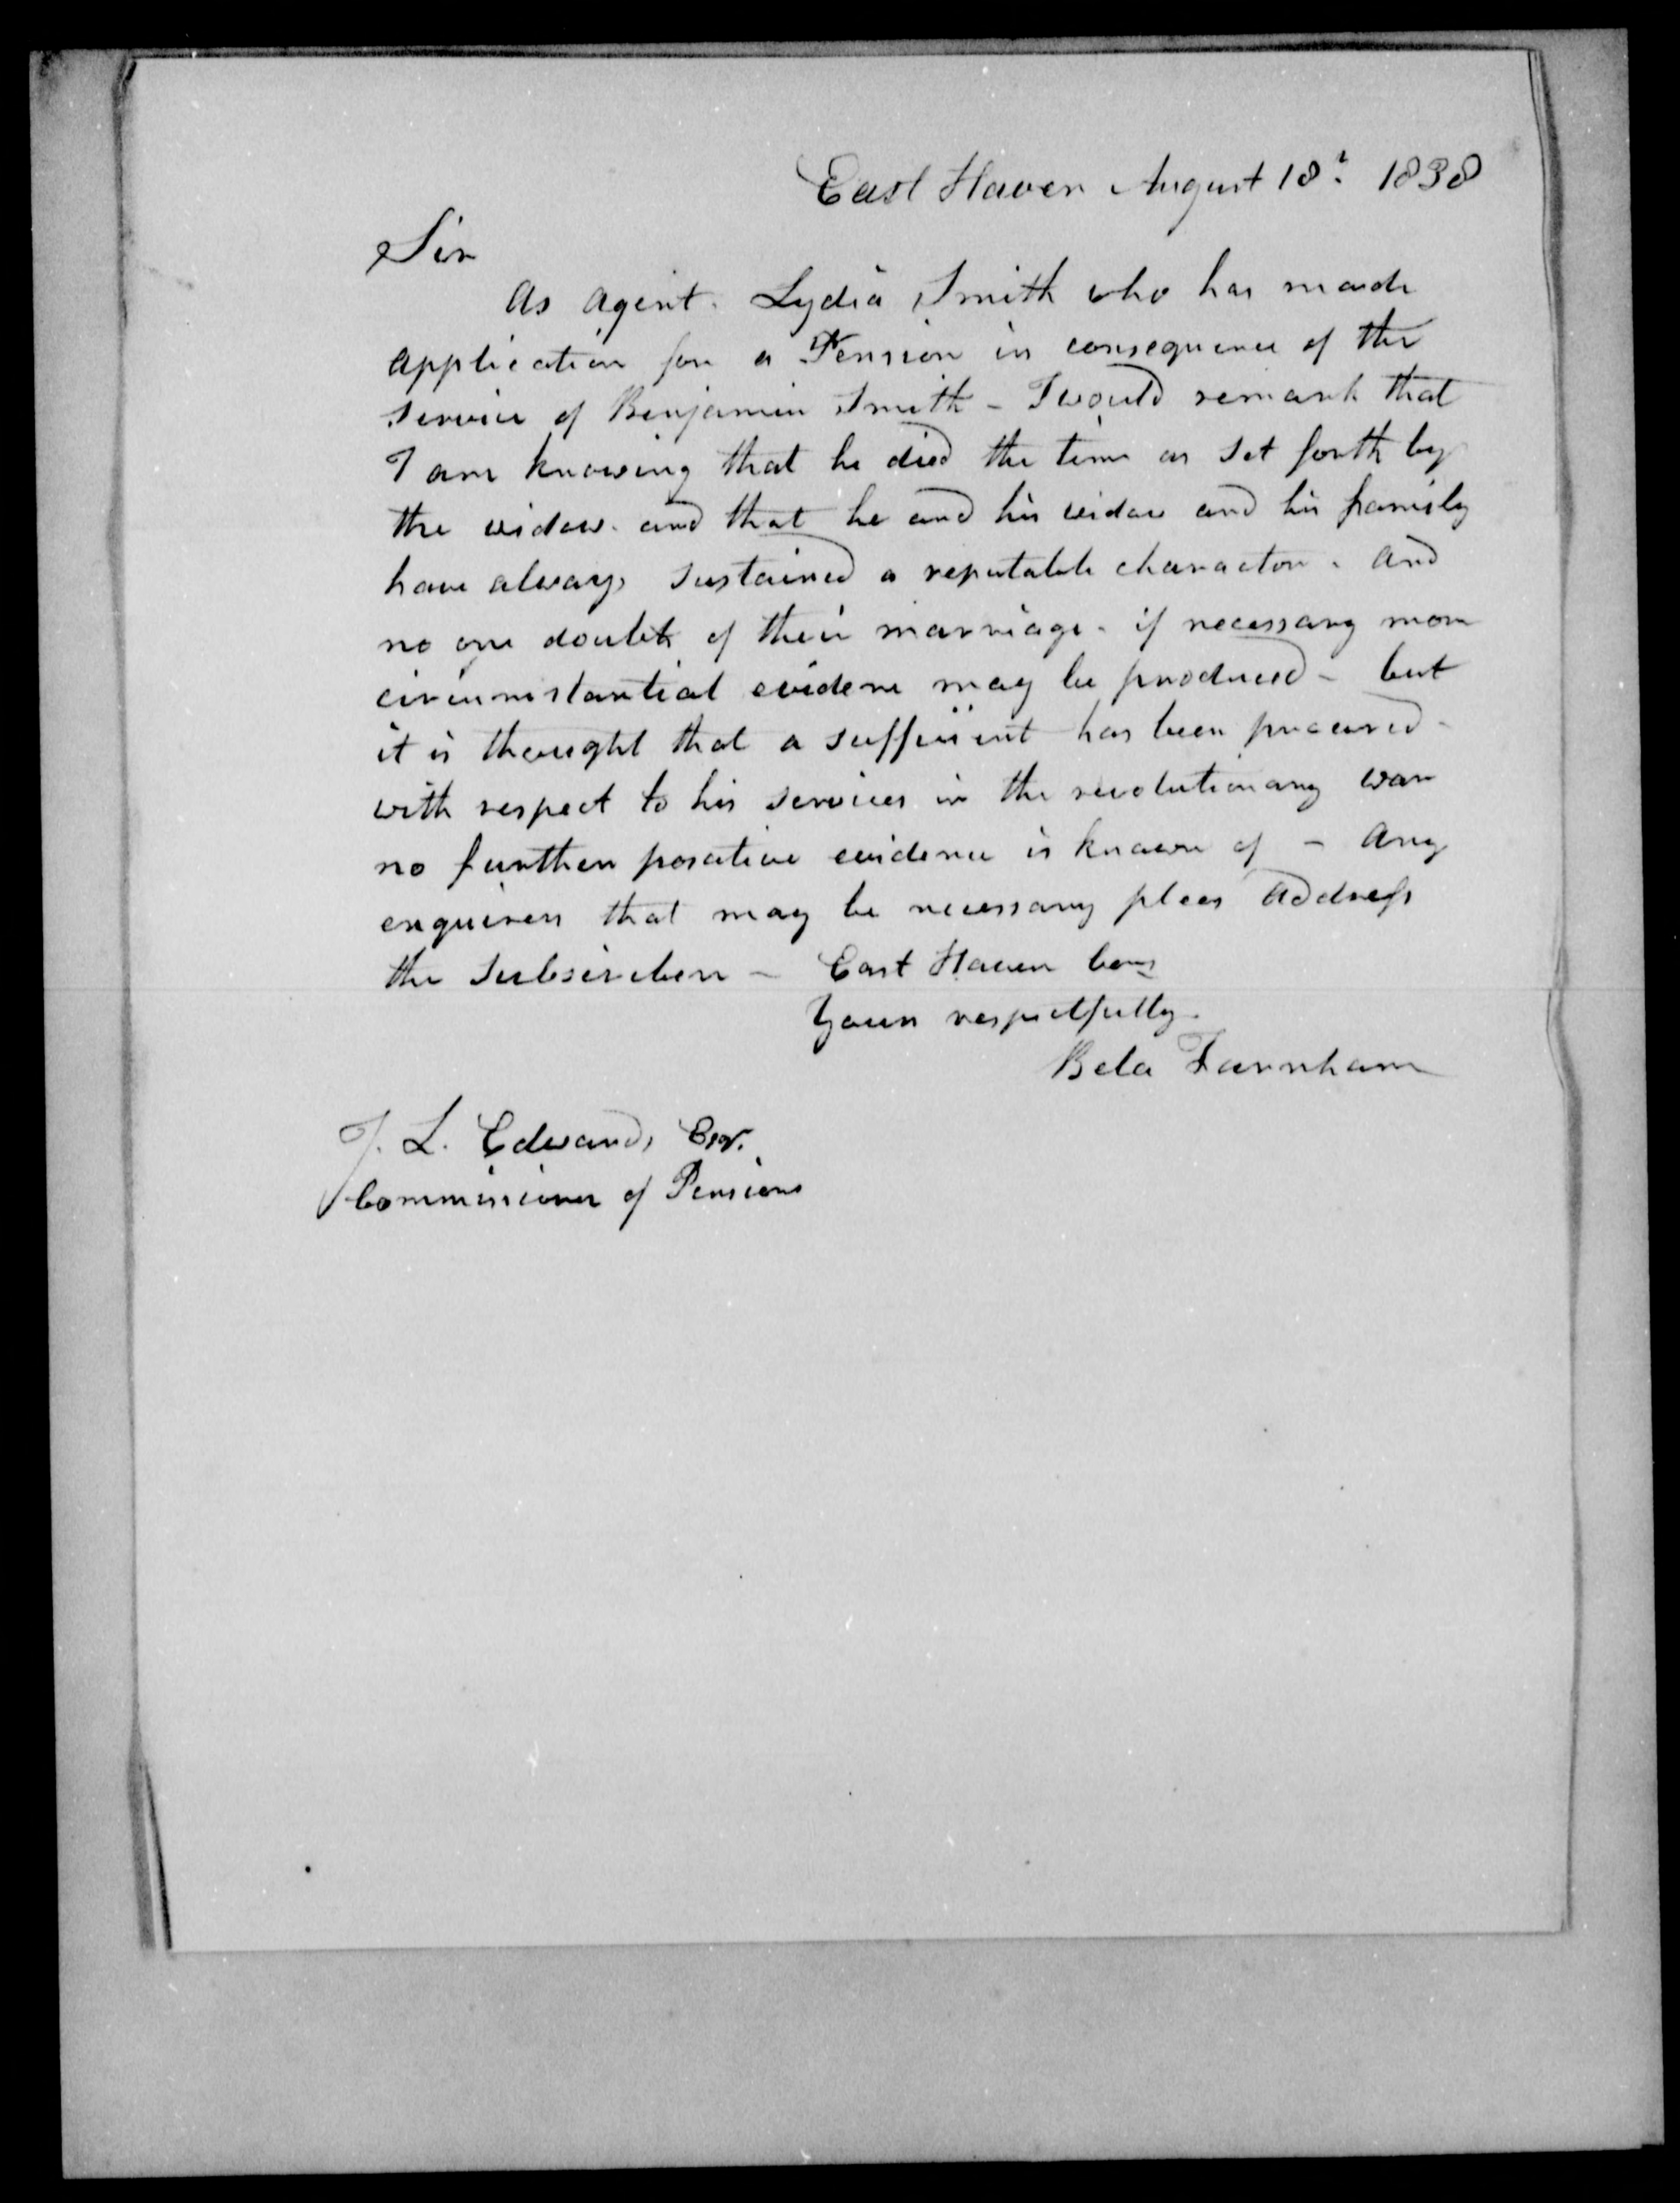East Haven August 18 1838

Sir
As Agent Lydia Smith who has made application for a pension in consequence of the service of Benjamin Smith, I would remark that I am knowing that he died the time as set forth by the widow and that he and his widow and his family have always sustained a reputable character. And no one doubts of their marriage, if necessary more circumstantial evidence may be produced. But it is thought that a sufficient has been procured with respect to his service in the revolutionary war, no further positive evidence is known of. Any enquiries that may be necessary please address the subscriber - East Haven County

Yours respectfully
Bela Farnham

J. L. Edwards Esq.
Commissioner of Pensions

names: Benjamin Smith; Lydia Smith; J L Edwards; Bela Farnham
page: 18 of 19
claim: rejected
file: R 9792, for Benjamin Smith, Connecticut